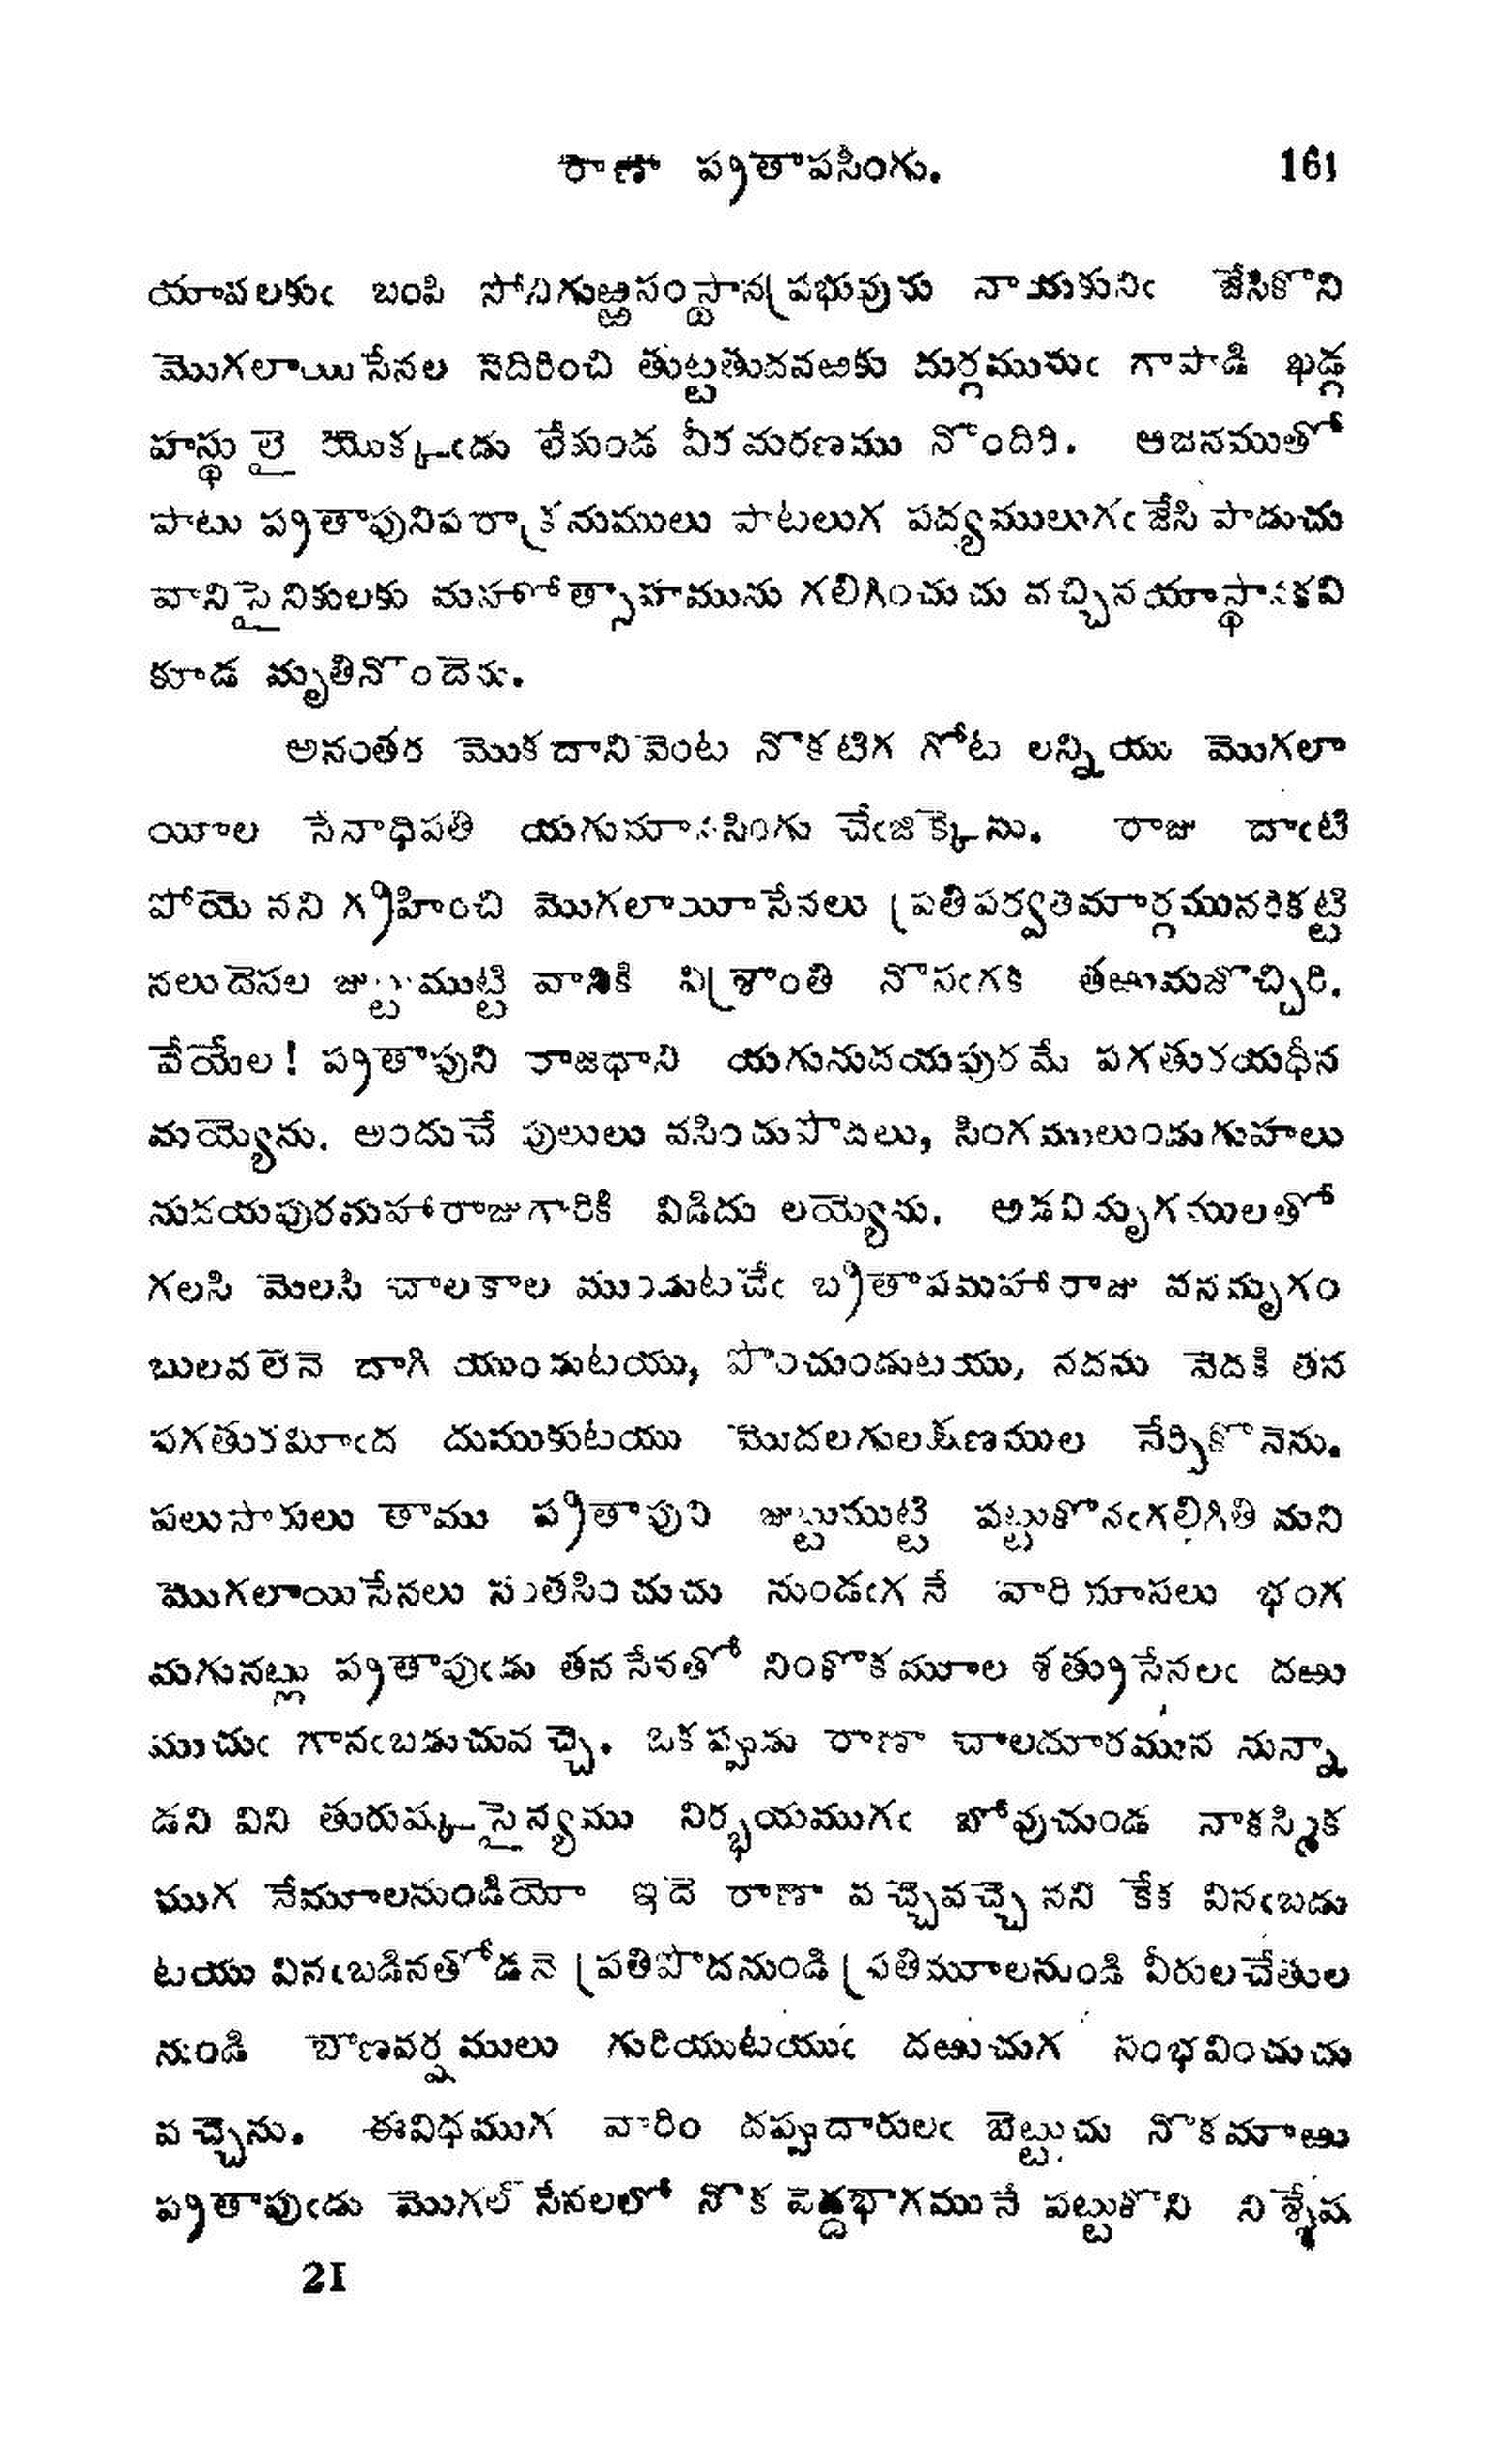యావలకుఁ బంపి సోనిగుఱ్ఱ సంస్థాన ప్రభువును నాయకునిఁ జేసికొని మొగలాయి సేనల నెదిరించి తుట్టతుదవఱకు దుర్గమునుఁ గాపాడి ఖడ్గ హస్థులై యొక్కఁడు లేకుండ వీర మరణము నొందిరి. ఆజనముతో పాటు ప్రతాపుని పరాక్రనుములు పాటలుగ పద్యములుగఁ జేసి పాడుచు వాని సైనికులకు మహోత్సాహమును గలిగించుచు వచ్చిన యాస్థానకవి కూడ మృతినొందెను.

అనంతర మొక దాని వెంట నొకటిగ గోట లన్నీయు మొగలాయీల సేనాధిపతి యగుమానసింగు చేఁజిక్కెను. రాజు దాటి పోయె నని గ్రహించి మొగలాయీ సేనలు ప్రతి పర్వతమార్గమునరికట్టి నలుదెసల జుట్టుముట్టి వానికి విశ్రాంతి నొసఁగక తఱుమజొచ్చిరి. వేయేల ! ప్రతాపుని రాజధాని యగునుదయపురమే పగతురయధీన మయ్యెను. అందుచే పులులు వసించుపొదలు, సింగములుండు గుహలు నుదయపుర మహారాజు గారికి విడిదు లయ్యెను. అడవి మృగములతో గలసి మెలసి చాల కాల ముండుటచేఁ బ్రతాప మహారాజు వనమృగంబులవలెనె దాగి యుండుటయు, పొచుండుటయు, నదను వెదకి తన పగతురమీఁద దుముకుటయు 'మొదలగులక్షణముల నేర్పికొనెను. పలు సారులు తాము ప్రతాపుని జుట్టుముట్టి పట్టుకోనఁగలిగితి మని మొగలాయి సేనలు సంతసించుచు నుండఁగ నే వారి యాసలు భంగమగునట్లు ప్రతాపుఁడు తన సేనతో నింకొక మూల శత్రు సేనలఁ దఱుముచుఁ గానఁబడుచువచ్చె. ఒకప్పుడు రాణా చాలదూరమున నున్నాడని విని తురుష్క సైన్యము నిర్భయముగఁ బోవుచుండ నాకస్మికముగ నేమూలనుండియో ఇదే రాణా వచ్చె వచ్చె నని కేక వినఁబడుటయు వినఁబడినతోడనే ప్రతిపొదనుండి ప్రతి మూలనుండి వీరుల చేతుల నుండి బాణవర్షములు గురియుటయుఁ దఱుచుగ సంభవించుచు
వచ్చెను. ఈవిధముగ వారిం దప్పుదారులఁ బెట్టుచు నొకమాఱు ప్రతాపుఁడు మొగల్ సేనలలో నొక పెద్దభాగమునే పట్టుకుని నిశ్శేష